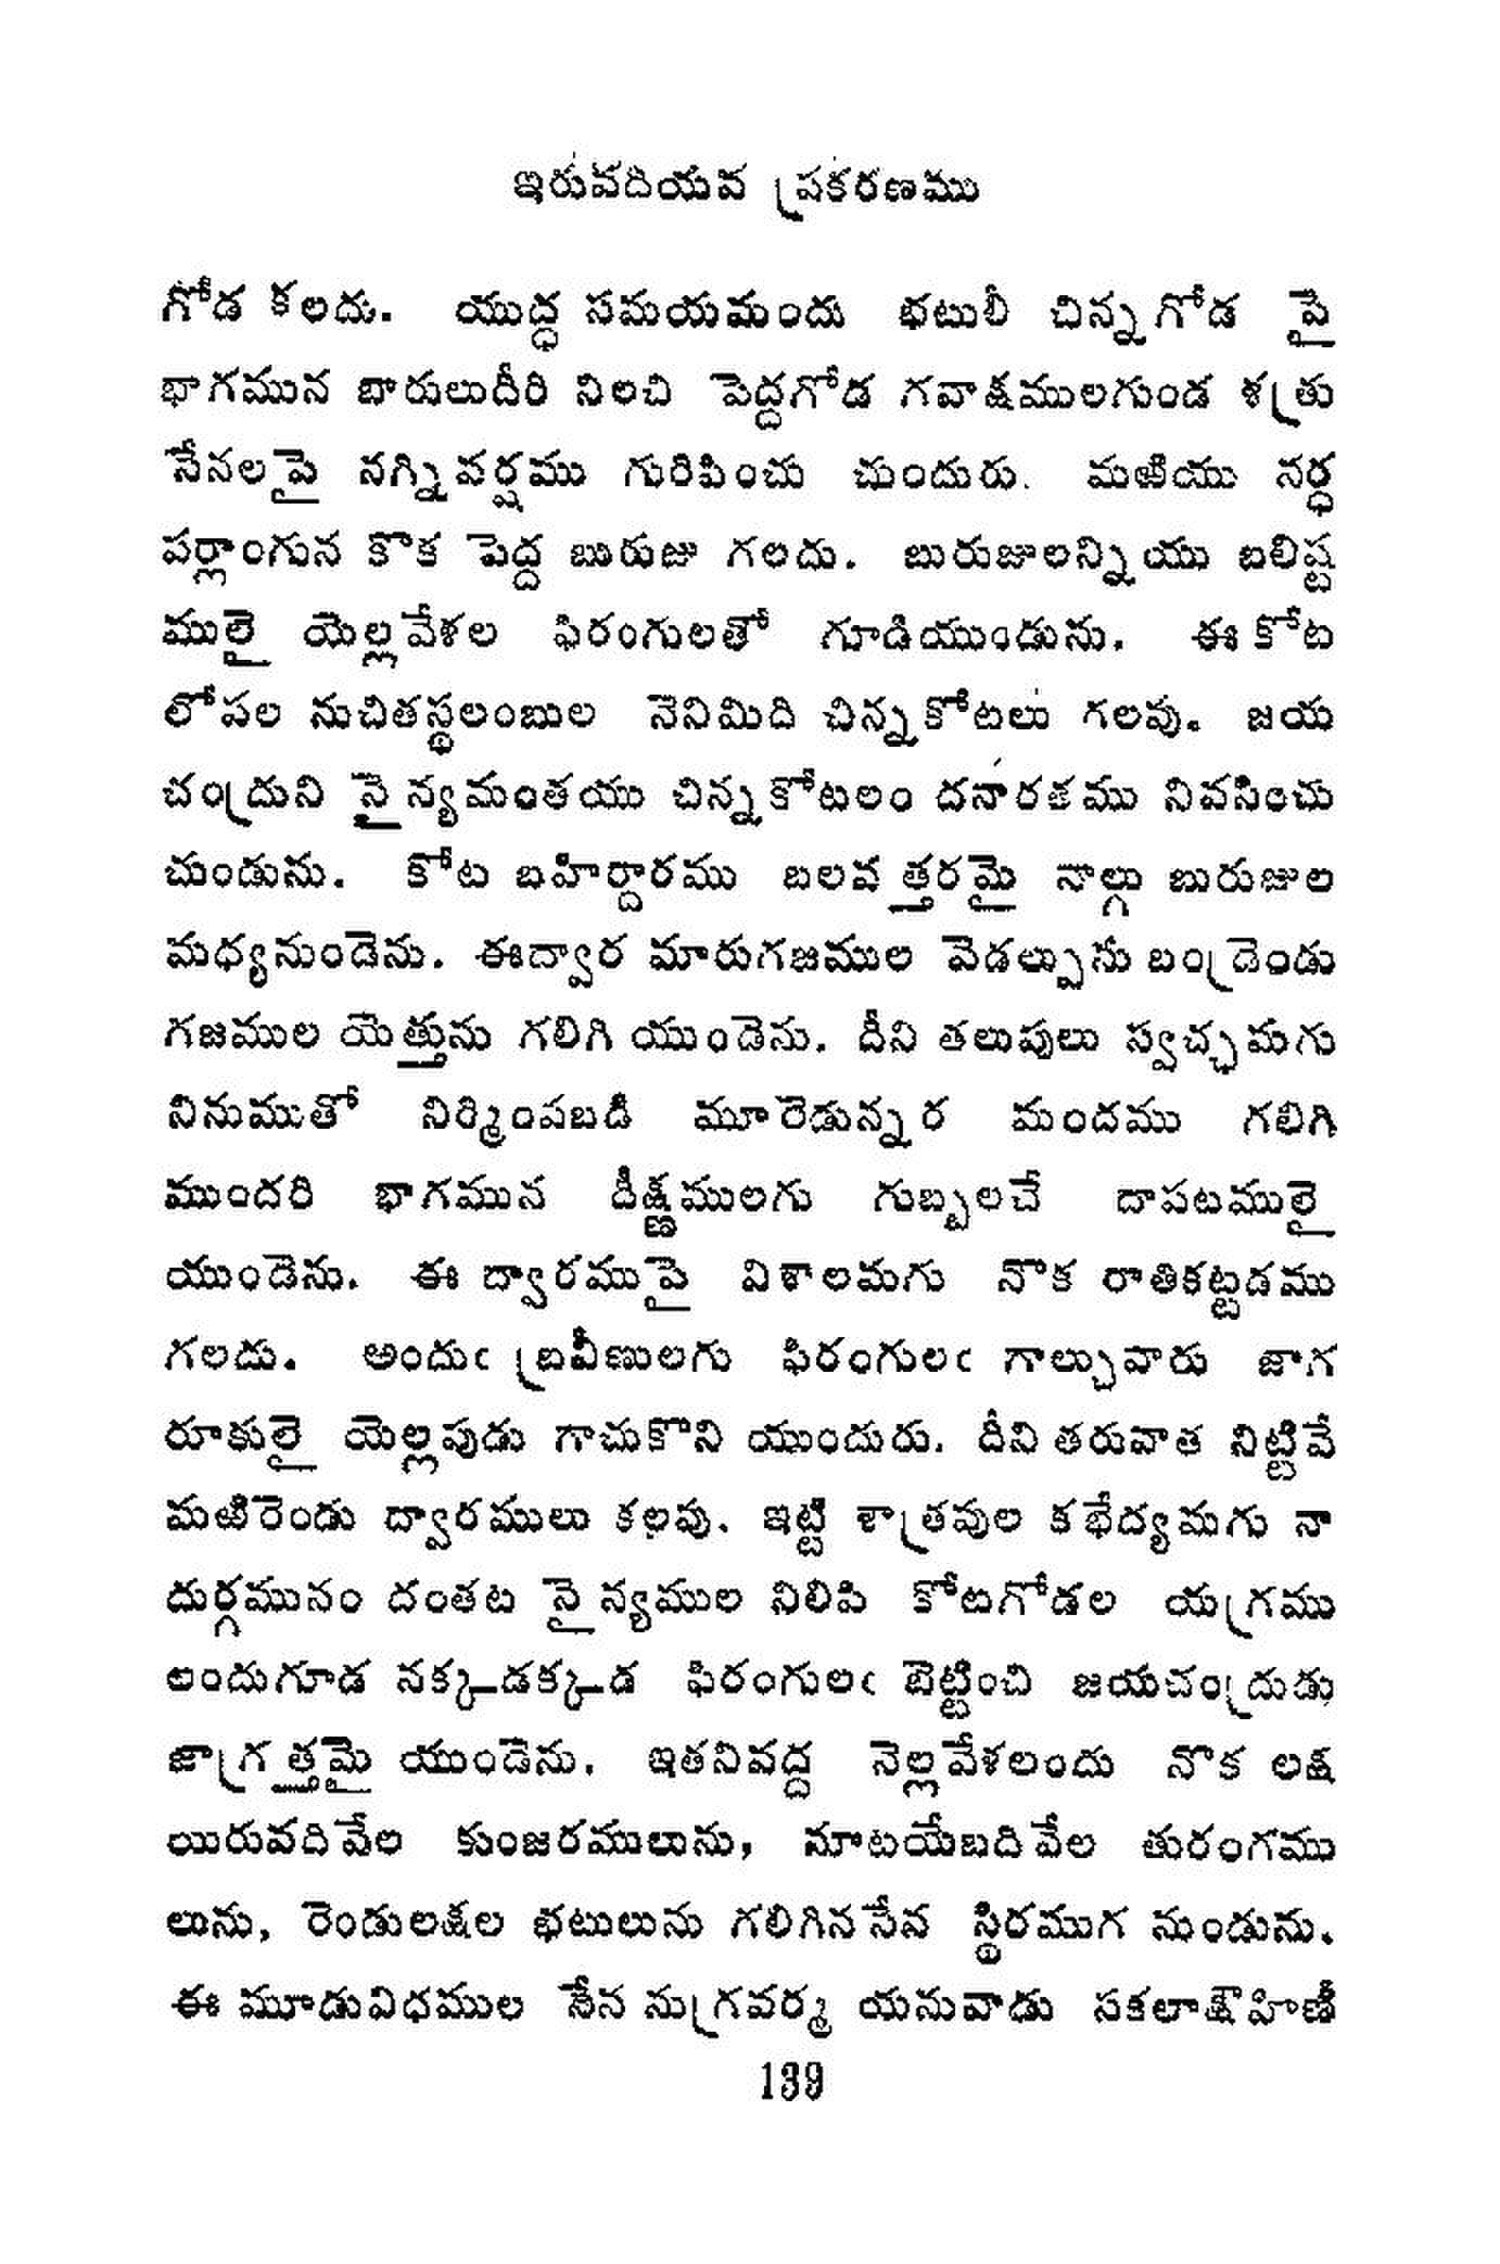గోడ కలదు. యుద్ధ సమయమందు భటులీ చిన్న గోడ పైభాగమున బారులుదీరి నిలచి పెద్దగోడ గవాక్షములగుండ శత్రు సేనలపై నగ్నివర్షము గురిపించు చుందురు. మఱియు నర్ద పర్లాంగున కొక పెద్ద బురుజు గలదు. బురుజులన్నియు బలిష్టములై యెల్లవేళల ఫిరంగులతో గూడియుండును. ఈకోట లోపల నుచితస్థలంబుల నెనిమిది చిన్నకోటలు గలవు. జయచంద్రుని సైన్యమంతయు చిన్నకోటలం దనారతము నివసించు చుండును. కోట బహిర్దారము బలవత్తరమై నాల్గు బురుజుల మధ్యనుండెను. ఈద్వార మారుగజముల వెడల్పును బండ్రెండు గజముల యెత్తును గలిగి యుండెను. దీని తలుపులు స్వచ్ఛమగు నినుముతో నిర్మింపబడి మూరెడున్నర మందము గలిగి ముందరి భాగమున దీక్ష్ణములగు గుబ్బలచే దాపటములై యుండెను. ఈ ద్వారముపై విశాలమగు నొక రాతికట్టడము గలదు. అందుఁ బ్రవీణులగు ఫిరంగులఁ గాల్చువారు జాగరూకులై యెల్లపుడు గాచుకొని యుందురు. దీని తరువాత నిట్టివే మఱిరెండు ద్వారములు కలవు. ఇట్టి శాత్రవుల కభేద్యమగు నా దుర్గమునం దంతట నైన్యముల నిలిపి కోటగోడల యగ్రములందుగూడ నక్కడక్కడ ఫిరంగులఁ బెట్టించి జయచంద్రుడు జాగ్రత్తమై యుండెను. ఇతనివద్ద నెల్లవేళలందు నొక లక్ష యిరువదివేల కుంజరములును, నూటయేబదివేల తురంగములును, రెండులక్షల భటులును గలిగినసేన స్థిరముగ నుండును. ఈ మూడువిధముల సేన నుగ్రవర్మ యనువాడు సకలాక్షౌహిణీ